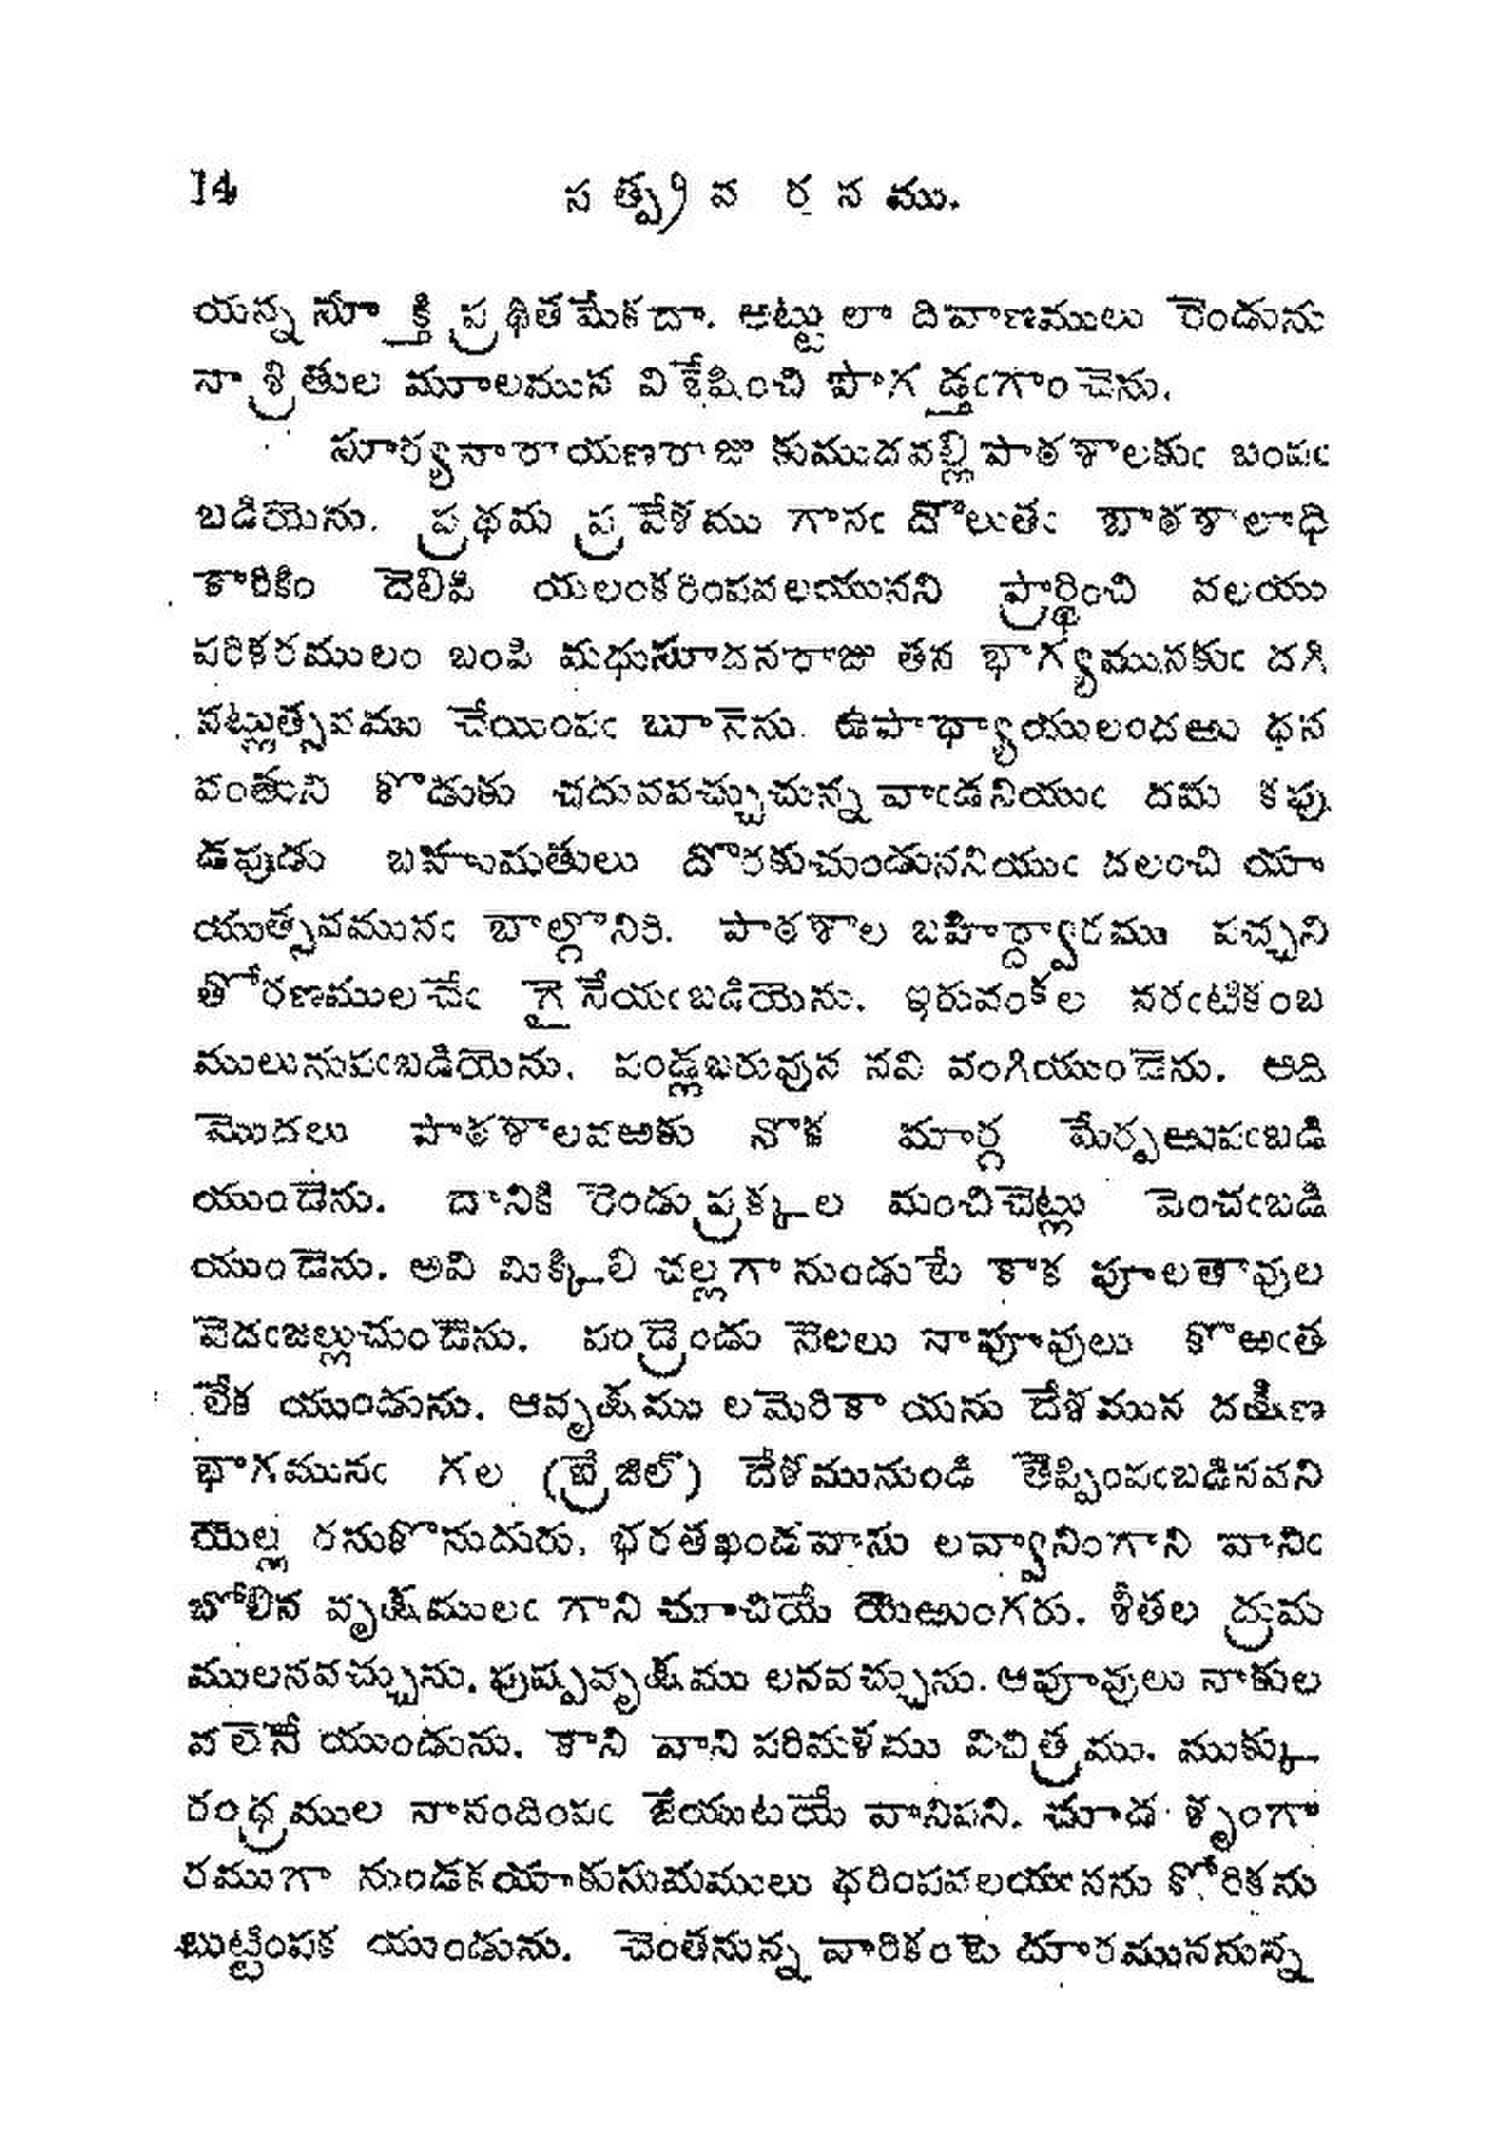యన్న నూక్తి ప్రథితమేకదా. అట్టులా దివాణములు రెండును నాశ్రీతుల మూలమున విశ్లేషించి పొగడ్తఁగాంచెను.

సూర్యనారాయణరాజు కుముదవల్లి పాఠశాలకుఁ బంపఁ బడియెను. ప్రథమ ప్రవేశము గానఁ దొలుత బాథశాలాధి కారికిం దెలిపి యలంక రింపవలయునని ప్రార్థించి పలయు పరీథరములం బంపి మధుసూదన రాజు తన భాగ్యమునకుఁ దగినట్లుత్సవము చేయింపఁ బూనెను. ఉపాధ్యాయులందఱు ధన వంతుని కొడుకు చదువవచ్చుచున్న వాడనియుఁ దమకపు డపుడు బహుమతులు దొరకుచుండుననియుఁ దలంచి యా
యుత్సవమునఁ బాల్గొనిరి. పాఠశాల బహిఎథ్వారము పచ్చని తోరణములచే గై నేయఁబడియెను. ఇరువంకల నరంటికంబ ములునుకులబడియెను, పండ్ల బరువున నని వంగియుండెను. అది మొదలు పాఠశాలవజకు వాళ్లు మార్గ మేర్పఱపబడి యుండెను. దానికి రెండు పక్కల మంచి చెట్లు పెంచఁబడి యుండెను. అవి మిక్కిలి చల్లగా నుండుటే శాక పూల తావుల వెదఁజల్లుచుండెను. పండ్రెండు నెలలు నాపూవులు కొఱఁత లేక యుండును, ఆవృక్షము లమెరికాయను దేశమున దక్షిణ భాగమునఁ గల (బ్రె జిల్) దేశమునుండి తెప్పింపఁబడినవని యెల్లరసుకొనుదురు, భరతఖండ వాసు లవ్యానంగాని పోని బోలిన వృక్షములఁ గాని చూచియే యెఱుంగరు. శీతల ద్రుమ ములనవచ్చును. పుష్పవృక్షము లనవచ్చును. ఆవూవులు నాకుల వలెనే యుండును. కాని వాని పరిమళము విచిత్రము. ముక్కు రంధముల నానందింపఁ జేయుటయే వానిషని. చూడ శృంగా రముగా నుండకయాకుసుమములు ధరింపవలయం నను కోరికను బుట్టింపక యుండును. చెంతనున్న వారికంటె దూరముననున్న